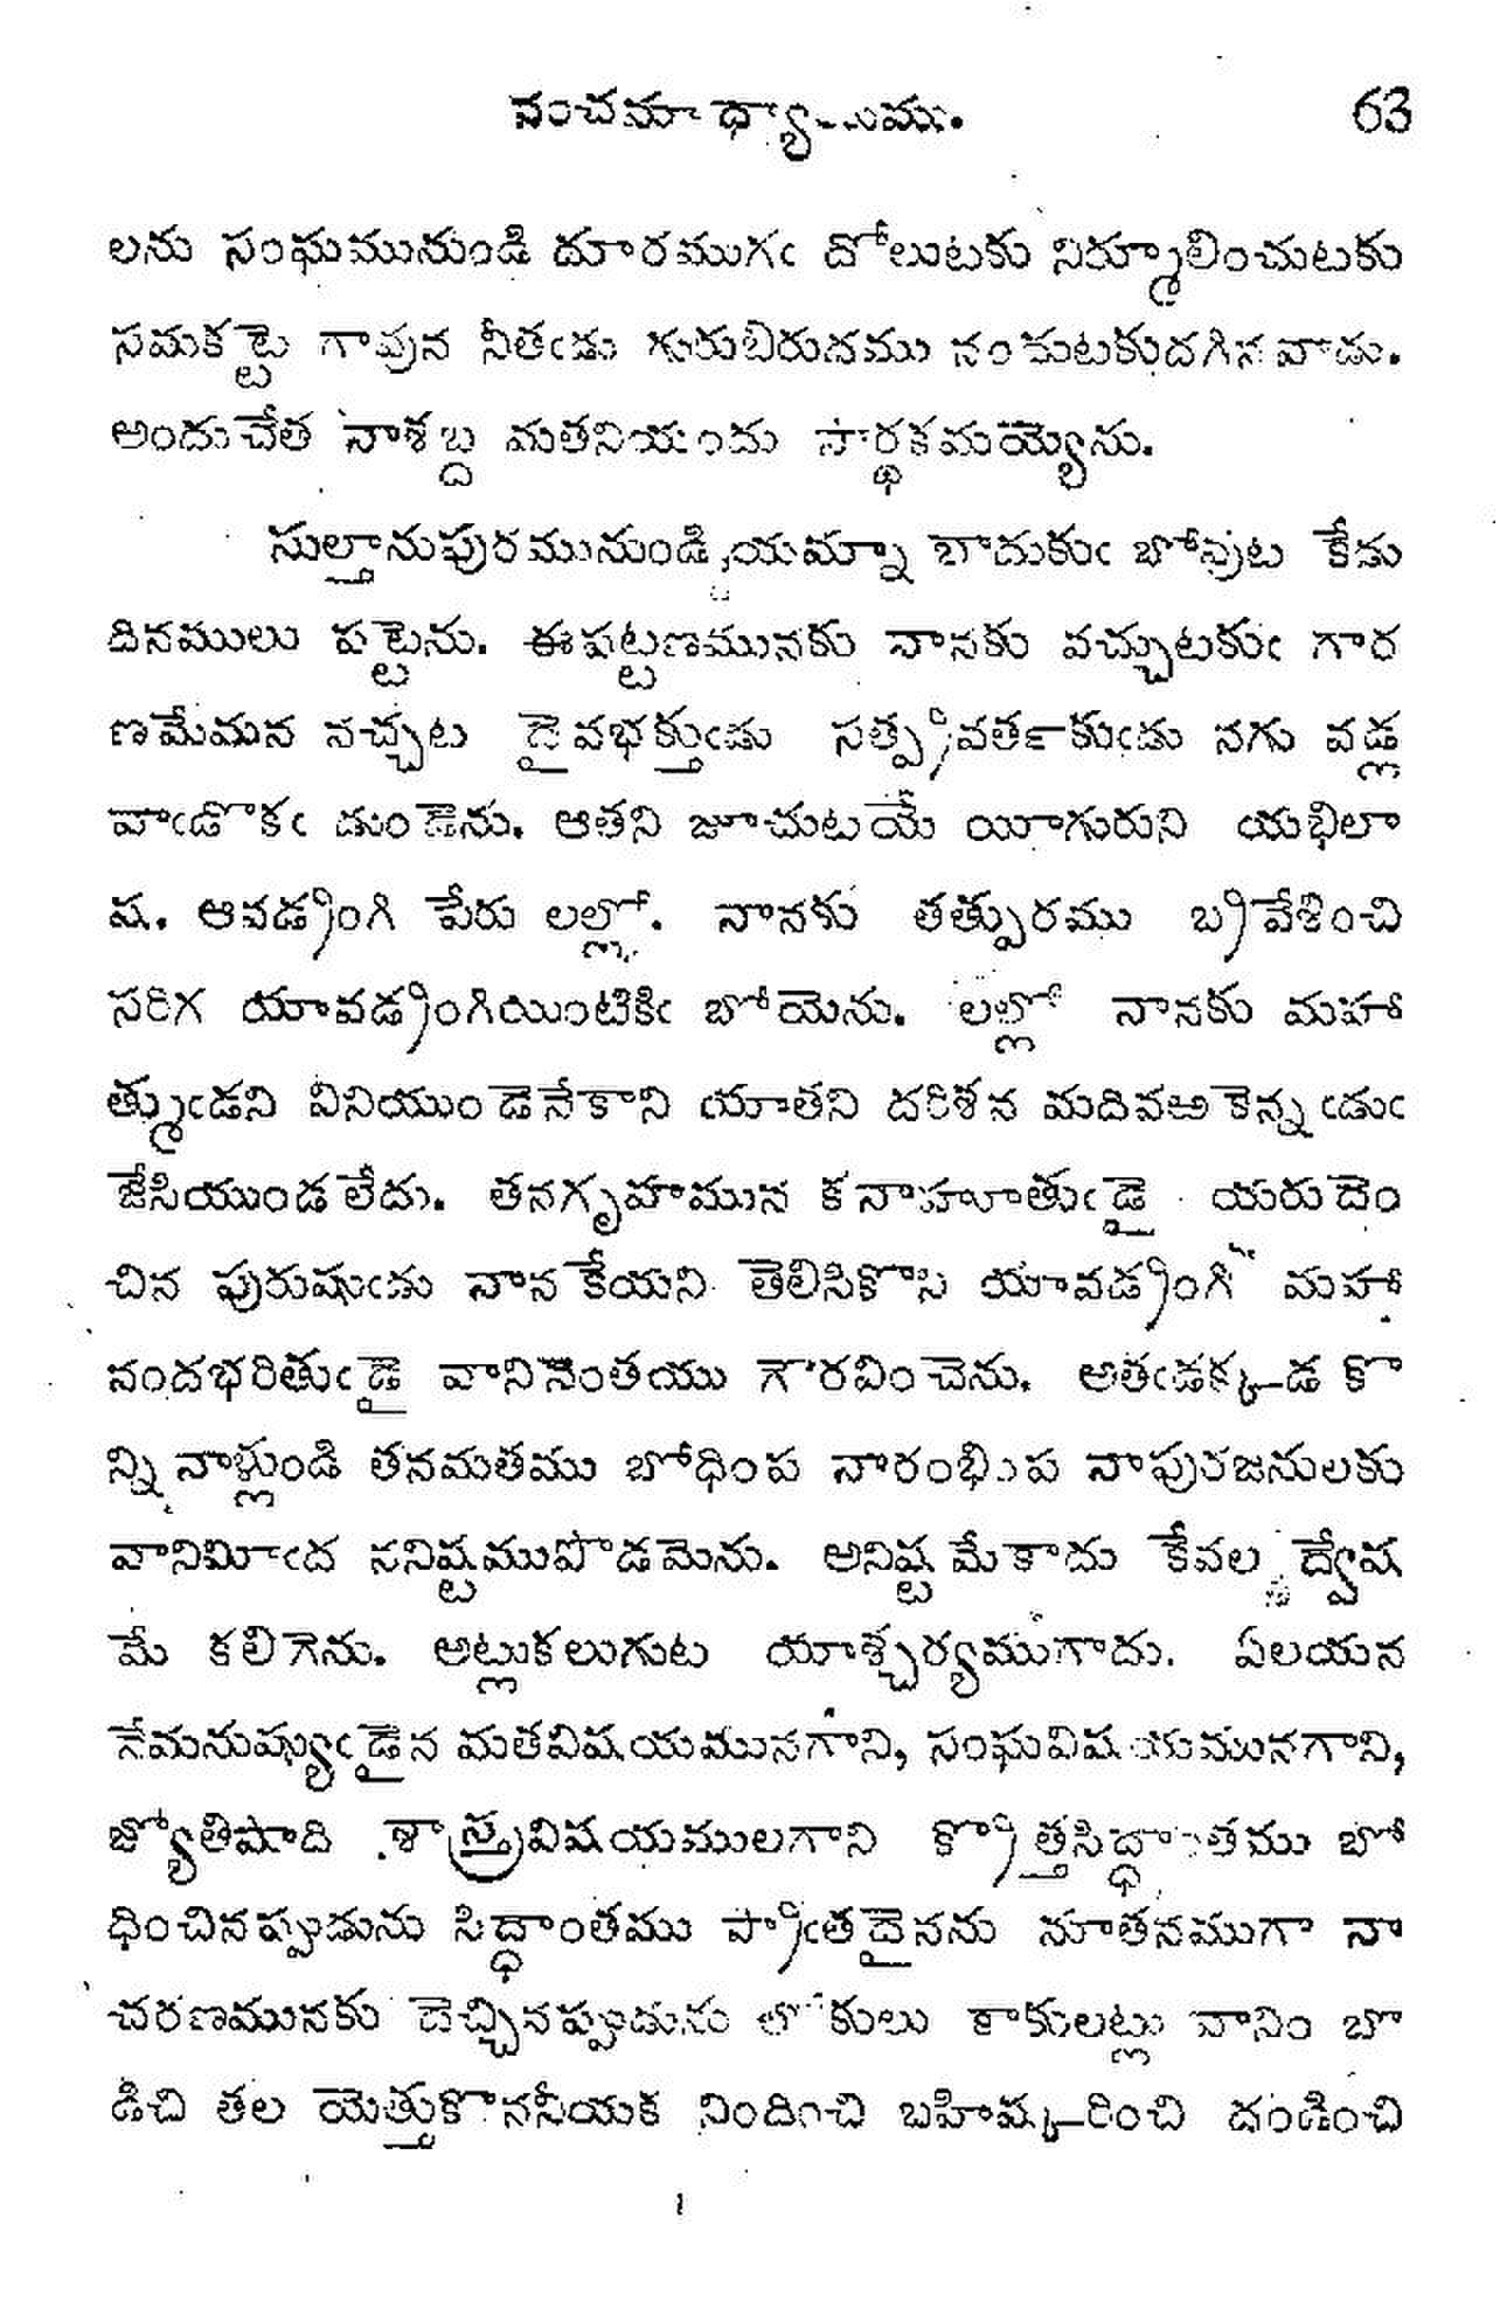లను సంఘమునుండి దూరముగ దోలుటకు నిర్మూలించుటకు సమకట్టె గావున నీతడు గురుబిరుదము నందుటకుదగినవాడు. అందుచేత నాశబ్ద మతనియందు సార్థకమయ్యెను.

సుల్తానుపురమునుండి యమ్నాబాదుకు బోవుట కేడు దినములు పట్టెను. ఈపట్టణమునకు నానకు వచ్చుటకు గారణమేమన నచ్చట దైవభక్తుడు సత్ప్రవతన్‌కుడు నగు వడ్ల వాడొక డుండెను. ఆతని జూచుటయే యీగురుని యభిలాష. ఆవండ్రంగి పేరు లల్లో. నానకు తత్పురము బ్రవేశించి సరిగ ఆవడ్రంగియింటికి బోయెను. లల్లో నానకు మహాత్ముడని వినియుండెనేకాని యాతని దరిశన మదివఱకెన్నడు జేసియుండలేదు. తనగృహమున కనాహూతుడై యరుదెంచిన పురుషుడు నానకేయని తెలిసికొని యావడ్రంగి మహానందభరితుడై వానినెంతయు గౌరవించెను. అతడక్కడ కొన్నినాళ్లుండి తనమతము బోధింప నారంభింప నాపురజనులకు వానిమీద ననిష్టముపొడమెను. అనిష్టమేకాదు కేవల ద్వేషమే కలిగెను. అట్లుకలుగుట యాశ్చర్యముగాదు. ఏలయన నేమనుష్యుడైన మతవిషయమునగాని, సంఘవిషయమునగాని, జ్యోతిషాది శాస్త్రవిషయములగాని క్రొత్తసిద్ధాంతము బోధించినప్పుడును సిద్ధాంతము ప్రాతదైనను నూతనముగా నాచరణమునకు దెచ్చినప్పుడును లోకులు కాకులట్లు వానిం బొడిచి తల యెత్తుకొననీయక నిందించి బహిష్కరించి దండించి